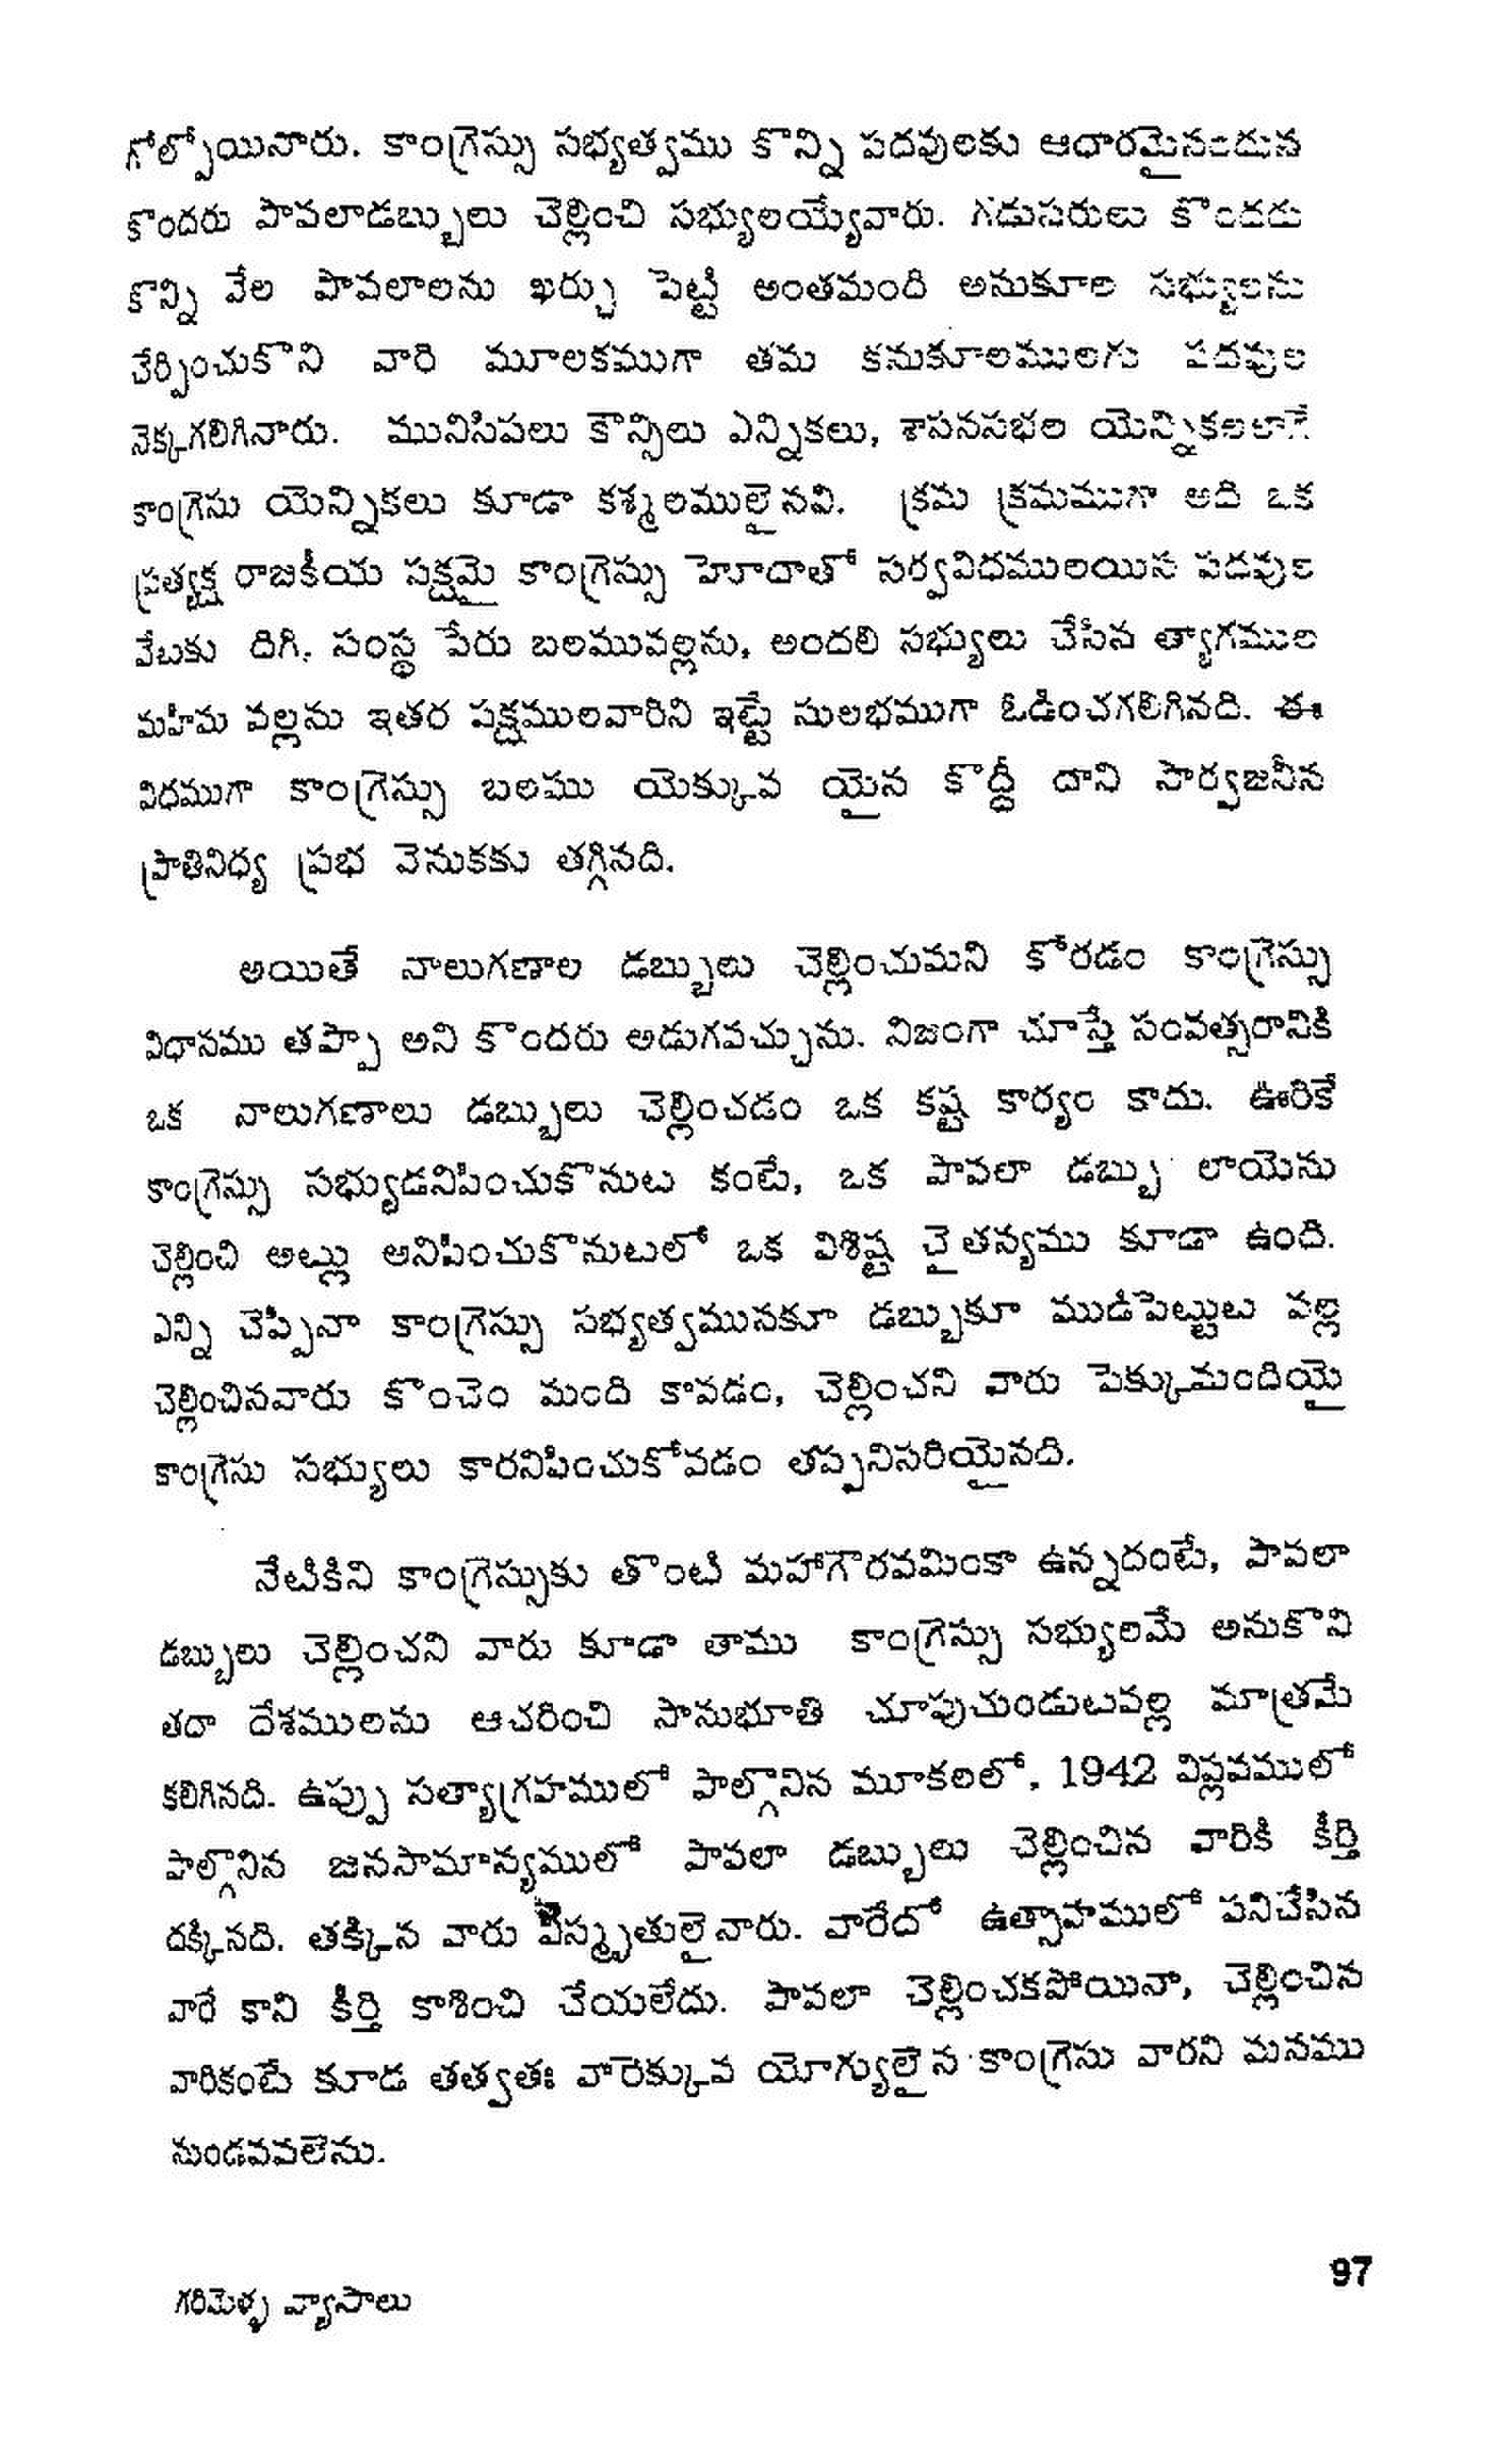గోల్పోయినారు. కాంగ్రెస్సు సభ్యత్వము కొన్ని పదవులకు ఆధారమైనందున కొందరు పావలాడబ్బులు చెల్లించి సభ్యులయ్యేవారు. గడుసరులు కొందరు కొన్ని వేల పావలాలను ఖర్చు పెట్టి అంతమంది అనుకూల సభ్యులను చేర్పించుకొని వారి మూలకముగా తమ కనుకూలములగు పదవుల నెక్కగలిగినారు. మునిసిపలు కౌన్సిలు ఎన్నికలు, శాసనసభల యెన్నికలలో కాంగ్రెసు యెన్నికలు కూడా కశ్మలములైనవి. క్రమ క్రమముగా అది ఒక ప్రత్యక్ష రాజకీయ పక్షమై కాంగ్రెస్సు హోదాతో సర్వవిధములయిన పదవుల వేటకు దిగి, సంస్ధ పేరు బలమువల్లను, అందలి సభ్యులు చేసిన త్యాగముల మహిమ వల్లను ఇతర పక్షములవారిని ఇట్టే సులభముగా ఓడించగలిగినది. ఈ విధముగా కాంగ్రెస్సు బలము యెక్కువ యైన కొద్దీ దాని సార్వజనీన ప్రాతినిధ్య ప్రభ వెనుకకు తగ్గినది.

అయితే నాలుగణాల డబ్బులు చెల్లించుమని కోరడం కాంగ్రెస్సు విధానము తప్పా అని కొందరు అడుగవచ్చును. నిజంగా చూస్తే సంవత్సరానికి ఒక నాలుగణాలు డబ్బులు చెల్లించడం ఒక కష్ట కార్యం కాదు. ఊరికే కాంగ్రెస్సు సభ్యుడనిపించుకొనుట కంటే, ఒక పావలా డబ్బు లాయెను చెల్లించి అట్లు అనిపించుకొనుటలోఒక విశిష్ట చైతన్యము కూడా ఉంది. ఎన్ని చెప్పినా కాంగ్రెస్సు సభ్యత్వమునకూ డబ్బుకూ ముడిపెట్టుట వల్ల చెల్లించినవారు కొంచెం మంది కావడం, చెల్లించని వారు పెక్కుమందియై కాంగ్రెసు సభ్యులు కారనిపించుకోవడం తప్పనిసరియైనది.

నేటికిని కాంగ్రెస్సుకు తొంటి మహాగౌరవమింకా ఉన్నదంటే, పావలా డబ్బులు చెల్లించని వారు కూడా తాము కాంగ్రెస్సు సభ్యులమే అనుకొని తదా దేశములను ఆచరించి సానుభూతి చూపుచుండుటవల్ల మాత్రమే కలిగినది. ఉప్పు సత్యాగ్రహములో పాల్గొనిన మూకలలో, 1942 విప్లవములో పాల్గొనిన జనసామాన్యములో పావలాడబ్బులు చెల్లించిన వారికి కీర్తి దక్కినది. తక్కి నవారు విస్మృతులైనారు. వారేదో ఉత్సాహములో పనిచేసిన వారే కని కీర్తి కాశించి చేయలేదు. పావలా చెల్లించకపోయినా, చెల్లించిన వారికంటే కూడ తత్వత: వారెక్కువ యోగ్యులైన కాంగ్రెసు వారని మనము నుండవవలెను.